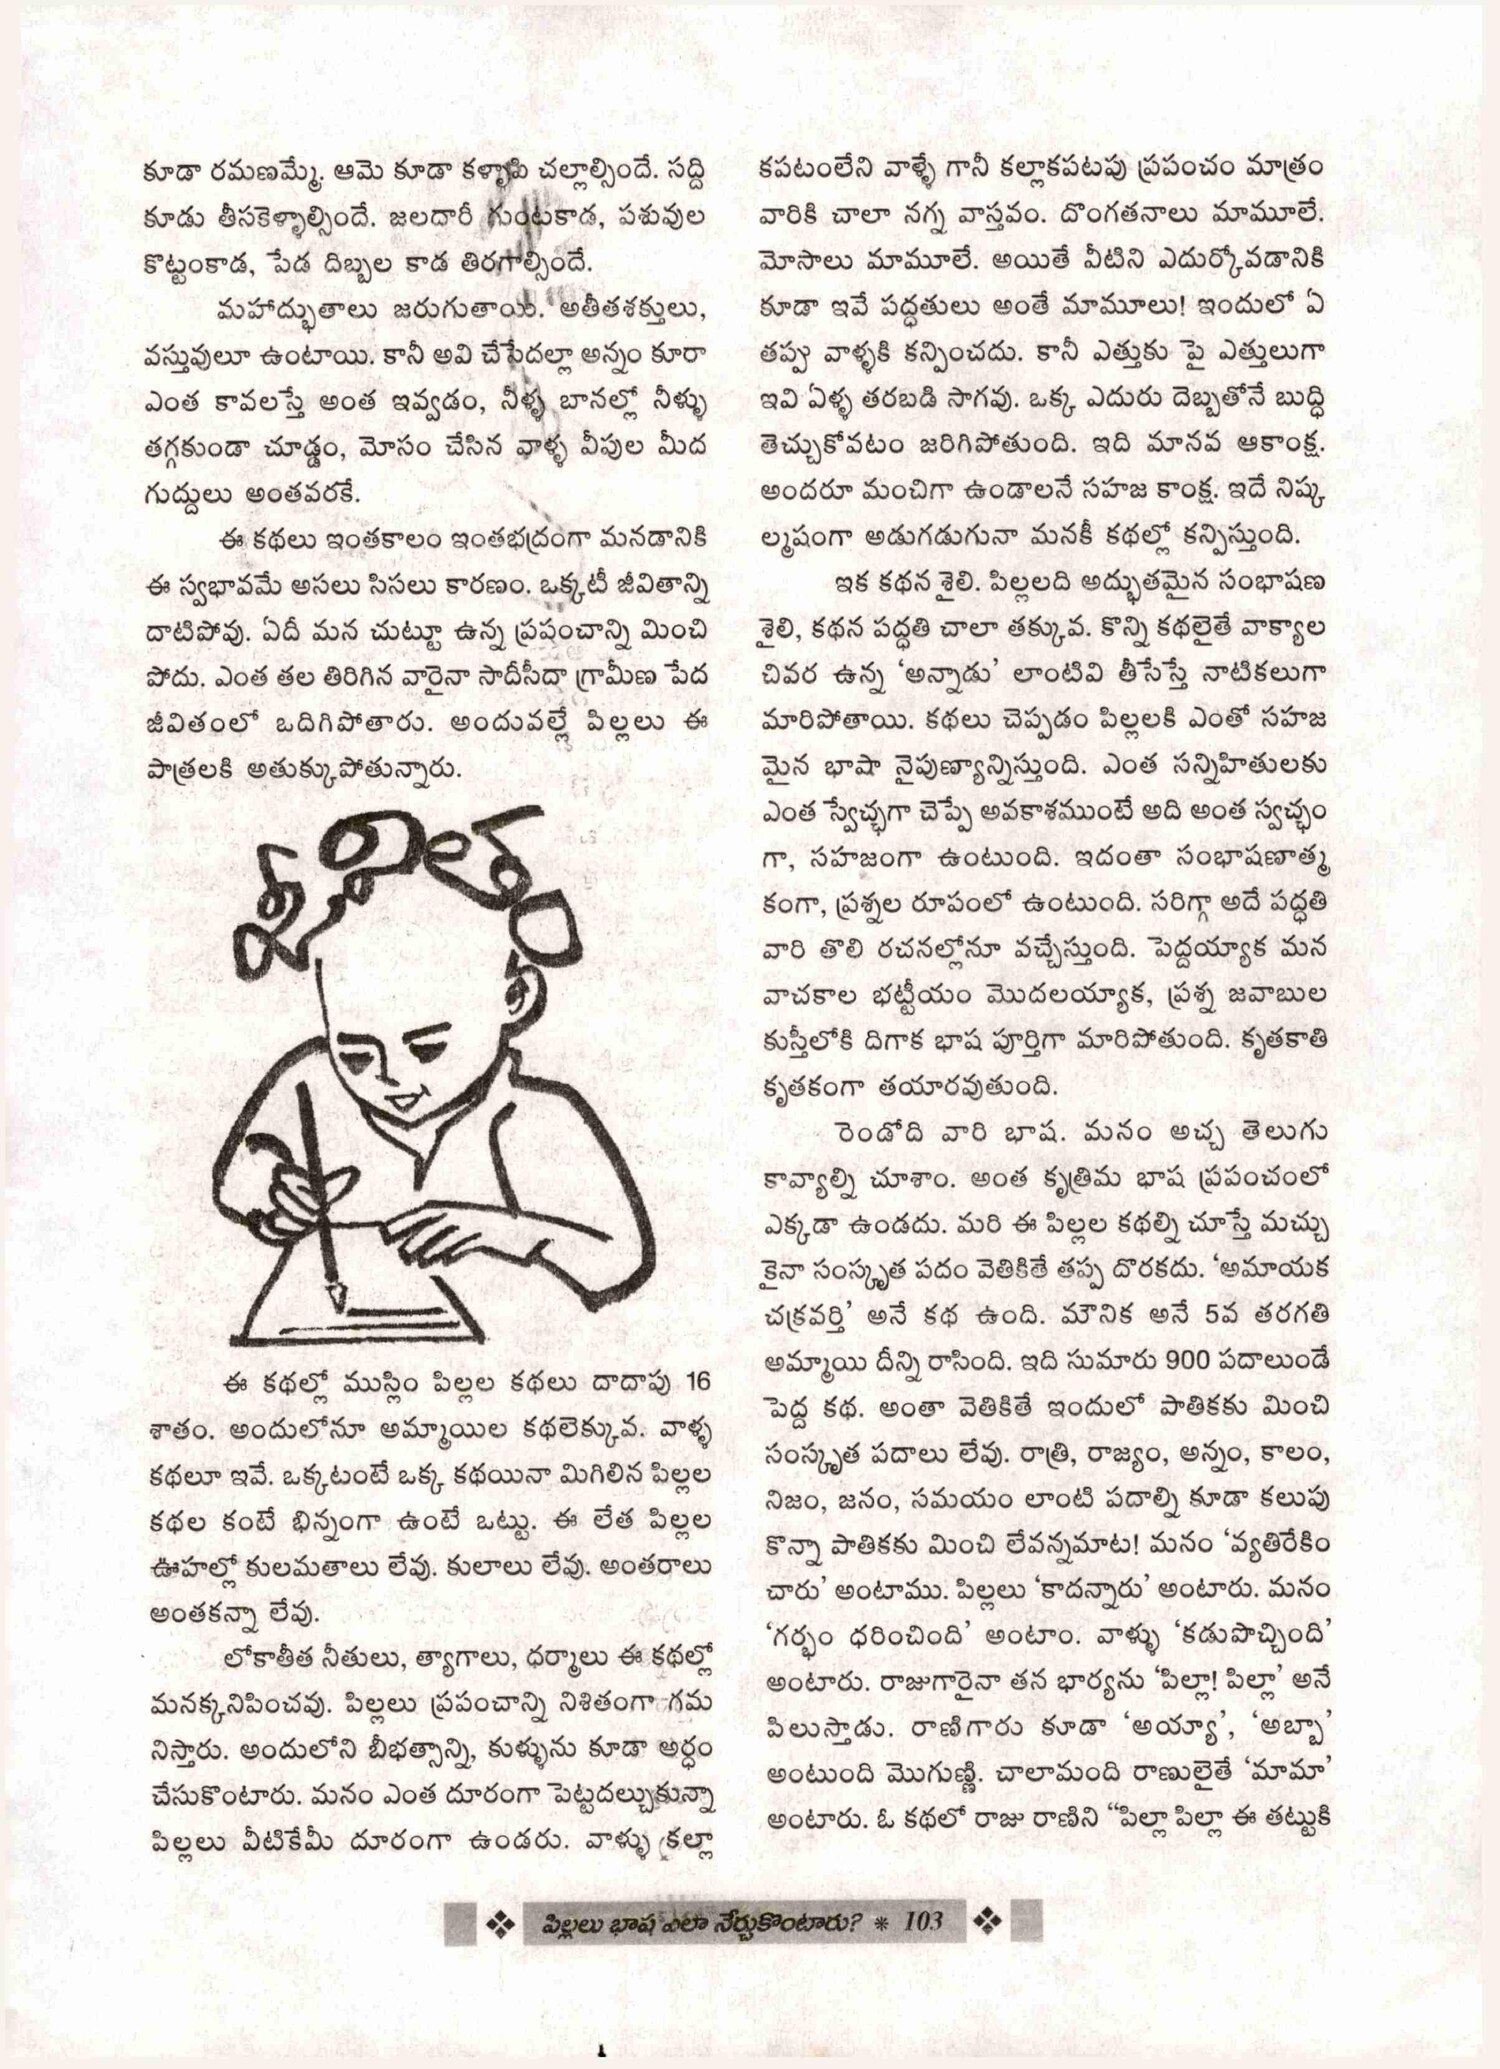కూడా రమణమ్మే. ఆమె కూడా కళ్ళాపి చల్లాల్సిందే. సద్దికూడు తీసకెళ్ళాల్సిందే. జలదారీ గుంటకాడ, పశువుల
కొట్టంకాడ, పేడ దిబ్బల కాడ తిరగాల్సిందే.

మహాద్భుతాలు జరుగుతాయి. అతీతశక్తులు, వస్తువులూ ఉంటాయి. కానీ అవి చేసేదల్లా అన్నం కూరా ఎంత కావలిస్తే అంత ఇవ్వడం, నీళ్ళ బానల్లో నీళ్ళు తగ్గకుండా చూడ్డం, మోసం చేసిన వాళ్ళ వీపుల మీద గుద్దులు అంతవరకే.

ఈ కథలు ఇంతకాలం ఇంతభద్రంగా మనడానికి ఈ స్వభావమే అసలు సిసలు కారణం. ఒక్కటీ జీవితాన్ని దాటిపోవు. ఏదీ మన చుట్టూ ఉన్న ప్రపంచాన్ని మించి పోదు. ఎంత తల తిరిగిన వారైనా సాదీసీదా గ్రామీణ పేద
జీవితంలో ఒదిగిపోతారు. అందువల్లే పిల్లలు ఈ పాత్రలకి అతుక్కుపోతున్నారు.

ఈ కథల్లో ముస్లిం పిల్లల కథలు దాదాపు 16 శాతం. అందులోనూ అమ్మాయిల కథలెక్కువ. వాళ్ళ కథలూ ఇవే. ఒక్కటంటే ఒక్క కథయినా మిగిలిన పిల్లల కథల కంటే భిన్నంగా ఉంటే ఒట్టు. ఈ లేత పిల్లల ఊహల్లో కులమతాలు లేవు. కులాలు లేవు. అంతరాలు అంతకన్నా లేవు.

లోకాతీత నీతులు, త్యాగాలు, ధర్మాలు ఈ కథల్లో మనక్కనిపించవు. పిల్లలు ప్రపంచాన్ని నిశితంగా గమనిస్తారు. అందులోని బీభత్సాన్ని, కుళ్ళును కూడా అర్ధం చేసుకొంటారు. మనం ఎంత దూరంగా పెట్టదల్చుకున్నా పిల్లలు వీటికేమీ దూరంగా ఉండరు. వాళ్ళు కల్లా కపటంలేని వాళ్ళే గానీ కల్లాకపటపు ప్రపంచం మాత్రం వారికి చాలా నగ్న వాస్తవం. దొంగతనాలు మామూలే. మోసాలు మామూలే. అయితే వీటిని ఎదుర్కోవడానికి కూడా ఇవే పద్ధతులు అంతే మామూలు! ఇందులో ఏ తప్పు వాళ్ళకి కన్పించదు. కానీ ఎత్తుకు పై ఎత్తులుగా ఇవి ఏళ్ళ తరబడి సాగవు. ఒక్క ఎదురు దెబ్బతోనే బుద్ధి తెచ్చుకోవటం జరిగిపోతుంది. ఇది మానవ ఆకాంక్ష. అందరూ మంచిగా ఉండాలనే సహజ కాంక్ష. ఇదే నిష్కల్మషంగా అడుగడుగునా మనకీ కథల్లో కన్పిస్తుంది.

ఇక కథన శైలి. పిల్లలది అద్భుతమైన సంభాషణ శైలి, కథన పద్ధతి చాలా తక్కువ. కొన్ని కథలైతే వాక్యాల చివర ఉన్న 'అన్నాడు' లాంటివి తీసేస్తే నాటికలుగా మారిపోతాయి. కథలు చెప్పడం పిల్లలకి ఎంతో సహజమైన భాషా నైపుణ్యాన్నిస్తుంది. ఎంత సన్నిహితులకు ఎంత స్వేచ్ఛగా చెప్పే అవకాశముంటే అది అంత స్వచ్ఛంగా, సహజంగా ఉంటుంది. ఇదంతా సంభాషణాత్మకంగా, ప్రశ్నల రూపంలో ఉంటుంది. సరిగ్గా అదే పద్ధతి వారి తొలి రచనల్లోనూ వచ్చేస్తుంది. పెద్దయ్యాక మన వాచకాల భట్టీయం మొదలయ్యాక, ప్రశ్న జవాబుల కుస్తీలోకి దిగాక భాష పూర్తిగా మారిపోతుంది. కృతకాతి కృతకంగా తయారవుతుంది.

రెండోది వారి భాష. మనం అచ్చ తెలుగు కావ్యాల్ని చూశాం. అంత కృత్రిమ భాష ప్రపంచంలో ఎక్కడా ఉండదు. మరి ఈ పిల్లల కథల్ని చూస్తే మచ్చుకైనా సంస్కృత పదం వెతికితే తప్ప దొరకదు. 'అమాయక చక్రవర్తి' అనే కథ ఉంది. మౌనిక అనే 5వ తరగతి అమ్మాయి దీన్ని రాసింది. ఇది సుమారు 900 పదాలుండే పెద్ద కథ. అంతా వెతికితే ఇందులో పాతికకు మించి సంస్కృత పదాలు లేవు. రాత్రి, రాజ్యం, అన్నం, కాలం, నిజం, జనం, సమయం లాంటి పదాల్ని కూడా కలుపుకొన్నా పాతికకు మించి లేవన్నమాట! మనం 'వ్యతిరేకించారు' అంటాము. పిల్లలు 'కాదన్నారు' అంటారు. మనం 'గర్భం ధరించింది' అంటాం. వాళ్ళు 'కడుపొచ్చింది' అంటారు. రాజుగారైనా తన భార్యను 'పిల్లా! పిల్లా' అనే పిలుస్తాడు. రాణిగారు కూడా 'అయ్యా', 'అబ్బా' అంటుంది మొగుణ్ణి. చాలామంది రాణులైతే 'మామా'
అంటారు. ఓ కథలో రాజు రాణిని “పిల్లా పిల్లా ఈ తట్టుకి